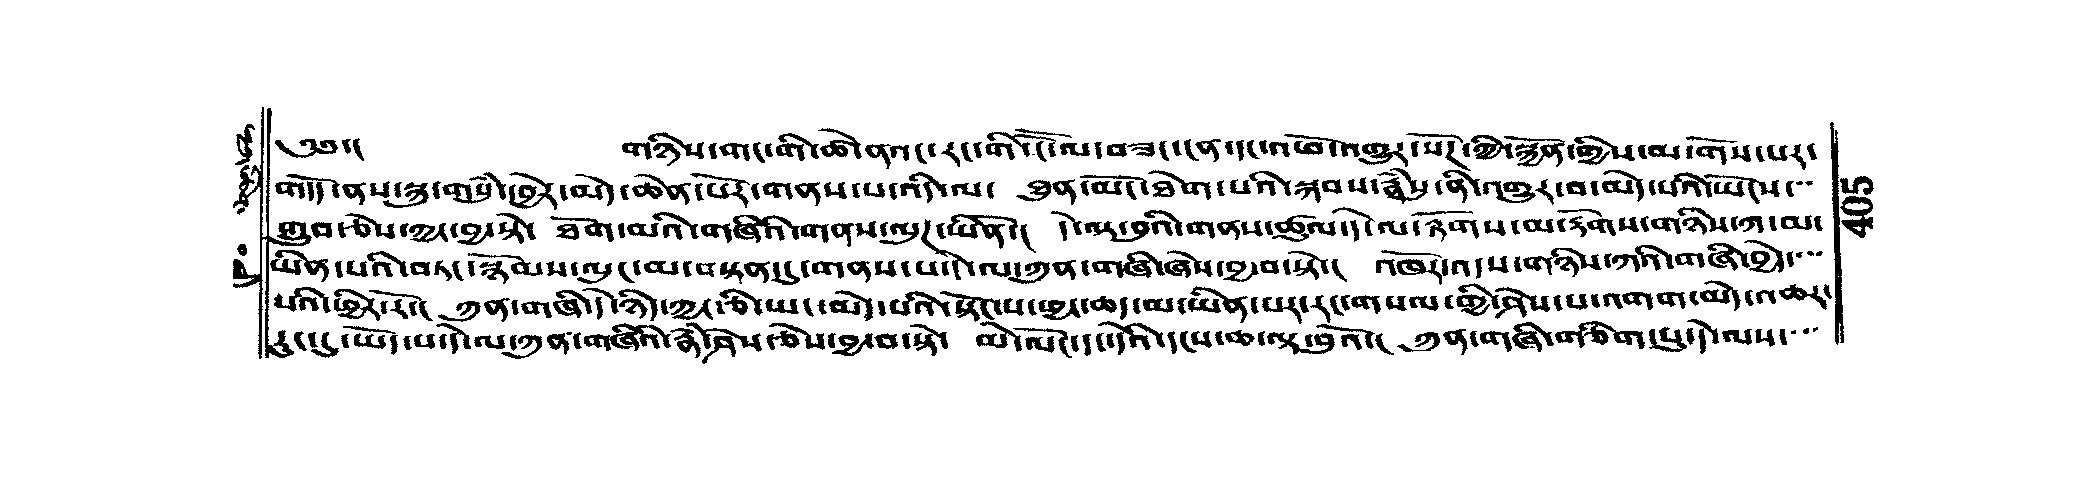གཉིས་གང་གི་ཚེ་ནའང་རང་གི་ངོ་བོ་ལ་བཟང་ངན་དང་འཕོ་འགྱུར་སོགས་ཀྱི་སྐྱོན་གྱིས་མ་གོས་པར་
གདོད་ནས་སྐུ་གསུམ་དབྱེར་མེད་ཆེན་པོར་གནས་པ་འདི་ལ།ཐུན་མོང་ཐེག་པའི་སྐབས་རྣམས་སུ་ནི་འགྱུར་བ་མེད་པའི་ཡོངས་
གྲུབ་ཅེས་ཀྱང་བྱ་སྟེ། ཐོག་མའི་གཞིའི་གནས་ལུགས་ཡིན་ནོ། དེ་ལྟ་བུའི་གནས་ཚུལ་དེ་ལ་རྟོགས་མ་རྟོགས་གཉིས་ཀ་མ་
ཡིན་པའི་བཏང་སྙོམས་ལུང་མ་བསྟན་དུ་གནས་པ་དེ་ལ་ཀུན་གཞི་ཞེས་བྱ་བ་སྟེ། འཁོར་འདས་གཉིས་ཀའི་གཞི་བྱེད་
པའི་ཕྱིར་རོ། ཀུན་གཞི་དེ་ཉིད་ཀྱང་ཅི་ཡང་མེད་པའི་སྟོང་པ་ཕྱང་ཆད་མ་ཡིན་པར་རང་གསལ་གྱི་ཤེས་པ་འགག་མེད་འཆར་
རུང་དུ་ཡོད་པ་དེ་ལ་ཀུན་གཞིའི་རྣམ་ཤེས་ཅེས་བྱ་བ་སྟེ། མེ་ལོང་དང་དེའི་དྭངས་ཆ་ལྟ་བུའོ། ཀུན་གཞི་གཅིག་པུ་དེ་ལས་